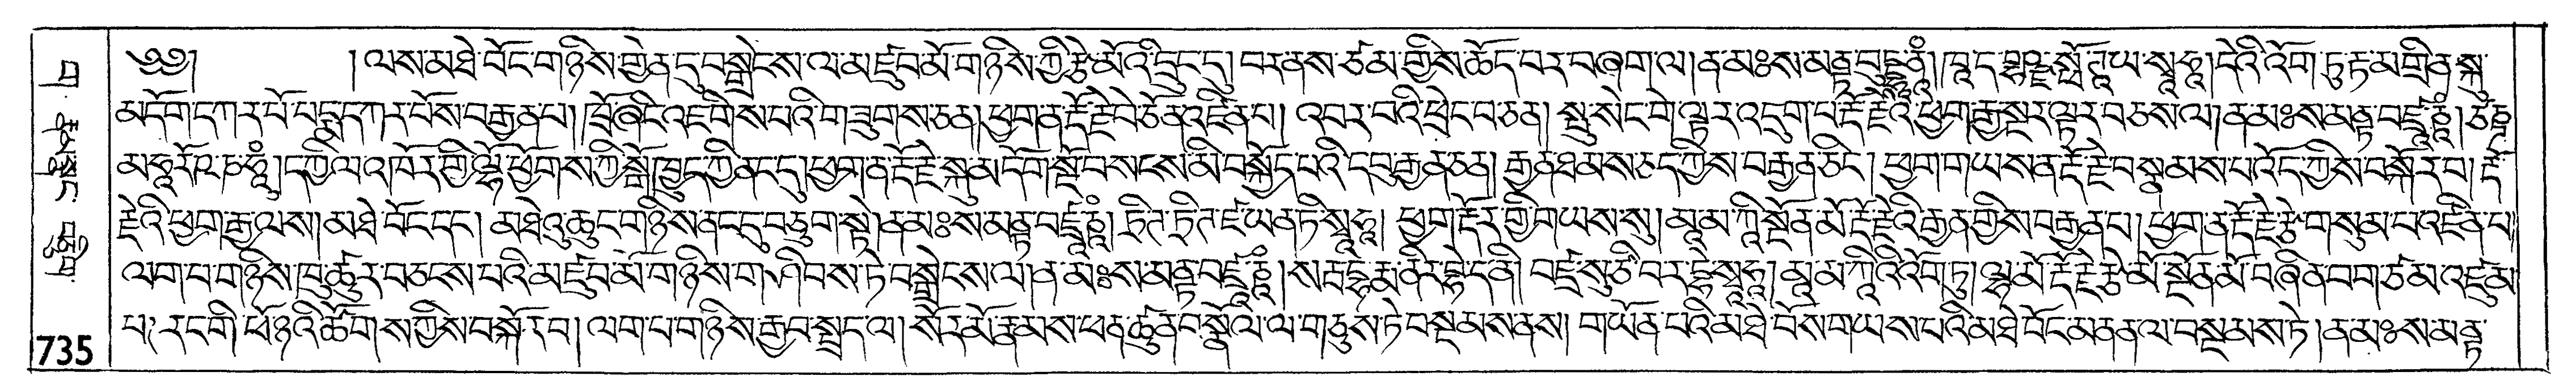༄༅། །ལས་མཐེ་བོང་གཉིས་གྱེན་དུ་བསྒྲེངས་ལ་མཛུབ་མོ་གཉིས་ཀྱི་རྩེ་མོའི་དྲུང་དུ། བར་ནས་ཙམ་གྱིས་ཆོད་པར་བཞག་ལ། ན་མཿ ས་མནྟ་བུདྡྷཱ་ནཱཾ། ཁཱ་ད་བྷཥྫ་སྥོ་ཊཱ་ཡ་སྭཱཧཱ། དེའི་འོག་ཏུ་རྟ་མགྲིན་སྐུ་
མདོག་དཀར་པོ་པདམ་དཀར་པོས་བརྒྱན་པ། ཁྲོ་ཞིང་འཇིགས་པའི་གཟུགས་ཅན། ཕྱག་ན་རྡོ་རྗེ་བེ་ཅོན་འཛིན་པ། འབར་བའི་ཕྲེང་བ་ཅན། སྤུ་སེང་གེ་ལྟར་འདུག་པ་རྡོ་རྗེའི་ཕྱག་རྒྱ་སྔར་ལྟར་བཅས་ལ། ན་མཿ ས་མནྟ་བཛྲཱ་ཎཱཾ། ཙཎྜ་
མཧཱ་རོ་ཥ་ཎ་ཧཱུཾ། དཀྱིལ་འཁོར་གྱི་ལྷོ་ཕྱོགས་ཀྱི་སྒོ་ཁྱུད་ཀྱི་ནང་དུ། ཕྱག་ན་རྡོ་རྗེ་སྐུ་མདོག་སྔོ་བསངས་མི་བསྐྱོད་པའི་དབུ་རྒྱན་ཅན། རྒྱན་ཐམས་ཅད་ཀྱིས་བརྒྱན་ཅིང་། ཕྱག་གཡས་ན་རྡོ་རྗེ་བསྣམས་པ་འོད་ཀྱིས་བསྐོར་བ། རྡོ་
རྗེའི་ཕྱག་རྒྱ་ལས། མཐེ་བོང་དང་། མཐེའུ་ཆུང་གཉིས་ནང་དུ་བཅུག་སྟེ། ན་མཿ ས་མནྟ་བཛྲཱ་ཎཱཾ། ཏྲི་ཊ་ཏྲི་ཊ་ཛ་ཡན་ཏི་སྭཱཧཱ། ཕྱག་རྡོར་གྱི་གཡས་སུ། མཱ་མ་ཀཱི་སྔོན་མོ་རྡོ་རྗེའི་རྒྱན་གྱིས་བརྒྱན་པ། ཕྱག་ན་རྡོ་རྗེ་རྩེ་གསུམ་པ་འཛིན་པ།
ལག་པ་གཉིས་ཁུ་ཚུར་བཅངས་པའི་མཛུབ་མོ་གཉིས་གཤིབས་ཏེ་བསྒྲེངས་ལ། ན་མཿ ས་མནྟ་བཛྲཱ་ཎཱཾ། སརྦ་དྷ་རྨ་ནིར་བྷེ་ད་ནི། བཛྲ་སུ་ཙི་བ་ར་དྷེ་སྭཱཧཱ། མཱ་མ་ཀཱིའི་འོག་ཏུ། ལྷ་མོ་རྡོ་རྗེ་རྩེ་མོ་སྔོན་མོ་བཞིན་བག་ཙམ་འཛུམ་
པ༑ རང་གི་ཕོ་ཉའི་ཚོགས་ཀྱིས་བསྐོར་བ། ལག་པ་གཉིས་རྒྱབ་སྤྲད་ལ། སོར་མོ་རྣམས་ཕན་ཚུན་བསྣོལ་ལ་གཅུས་ཏེ་བསྡམས་ནས། གཡོན་པའི་མཐེ་བོས་གཡས་པའི་མཐེ་བོང་མནན་ལ་བསྡམས་ཏེ། ན་མཿ ས་མནྟ་